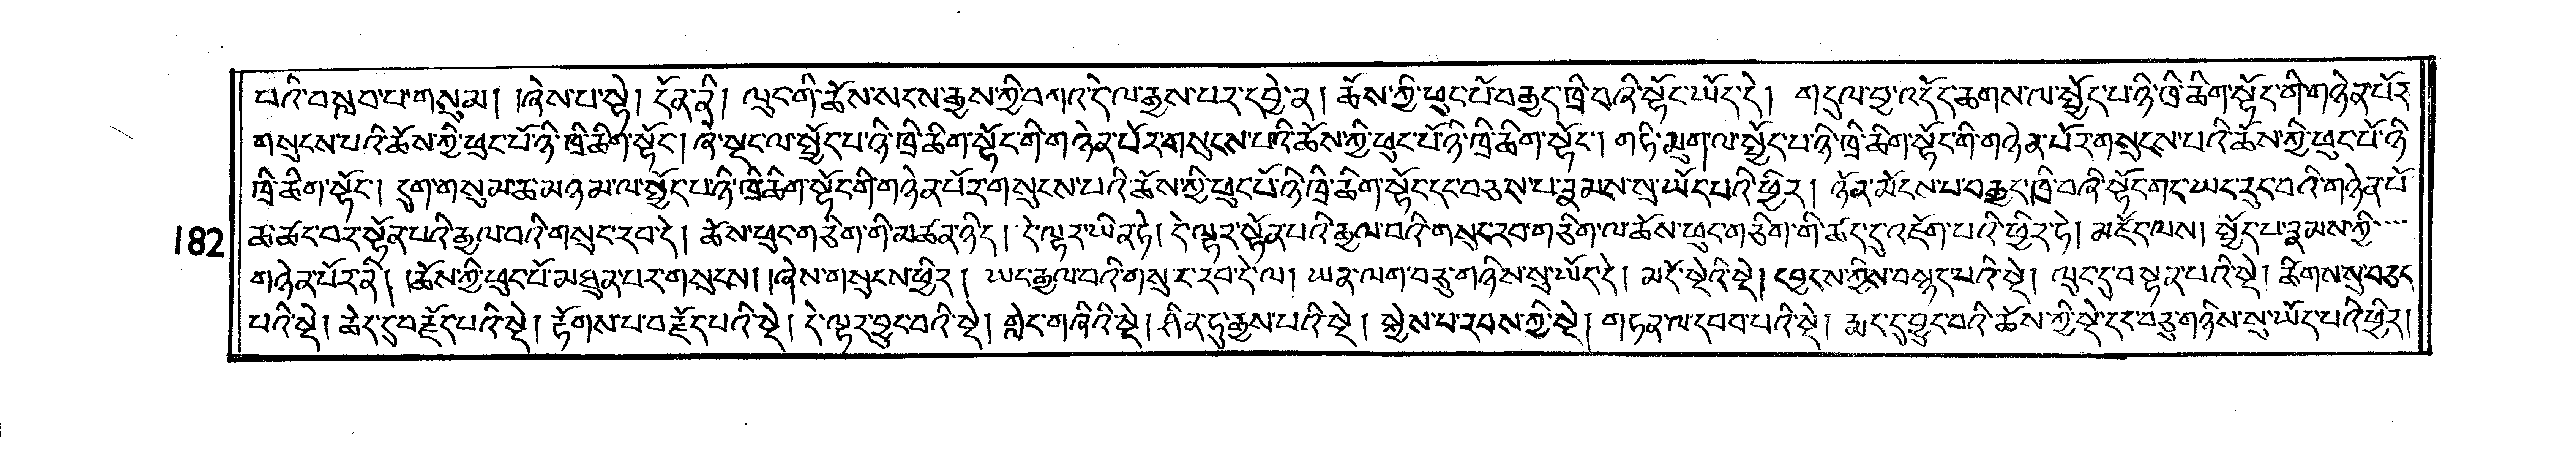པའི་བསླབ་པ་གསུམ། །ཞེས་པ་སྟེ། དོན་ནི། ལུང་གི་ཆོས་སངས་རྒྱས་ཀྱི་བཀའ་དེ་ལ་རྒྱས་པར་དབྱེ་ན། ཆོས་ཀྱི་ཕུང་པོ་བརྒྱད་ཁྲི་བཞི་སྟོང་ཡོད་དེ། གདུལ་བྱ་འདོད་ཆགས་ལ་སྤྱོད་པ་ཉི་ཁྲི་ཆིག་སྟོང་གི་གཉེན་པོར་
གསུངས་པའི་ཆོས་ཀྱི་ཕུང་པོ་ཉི་ཁྲི་ཆིག་སྟོང་། ཞེ་སྡང་ལ་སྤྱོད་པ་ཉི་ཁྲི་ཆིག་སྟོང་གི་གཉེན་པོར་གསུངས་པའི་ཆོས་ཀྱི་ཕུང་པོ་ཉི་ཁྲི་ཆིག་སྟོང་། གཏི་མུག་ལ་སྤྱོད་པ་ཉི་ཁྲི་ཆིག་སྟོང་གི་གཉེན་པོར་གསུངས་པའི་ཆོས་ཀྱི་ཕུང་པོ་ཉི་
ཁྲི་ཆིག་སྟོང་། དུག་གསུམ་ཆ་མཉམ་ལ་སྤྱོད་པ་ཉི་ཁྲི་ཆིག་སྟོང་གི་གཉེན་པོར་གསུངས་པའི་ཆོས་ཀྱི་ཕུང་པོ་ཉི་ཁྲི་ཆིག་སྟོང་དང་བཅས་པ་རྣམས་སུ་ཡོད་པའི་ཕྱིར། ཉོན་མོངས་པ་བརྒྱད་ཁྲི་བཞི་སྟོང་གང་ཡང་རུང་བའི་གཉེན་པོ་
ཆ་ཚང་བར་སྟོན་པའི་རྒྱལ་བའི་གསུང་རབ་དེ། ཆོས་ཕུང་གཅིག་གི་མཚན་ཉིད། དེ་ལྟར་ཡིན་ཏེ། དེ་ལྟར་སྟོན་པའི་རྒྱལ་བའི་གསུང་རབ་གཅིག་ལ་ཆོས་ཕུང་གཅིག་གི་ཚད་དུ་འཇོག་པའི་ཕྱིར་ཏེ། མཛོད་ལས། སྤྱོད་པ་རྣམས་ཀྱི་
གཉེན་པོར་ནི། །ཆོས་ཀྱི་ཕུང་པོ་མཐུན་པར་གསུངས། །ཞེས་གསུངས་ཕྱིར། ཡང་རྒྱལ་བའི་གསུང་རབ་དེ་ལ། ཡན་ལག་བཅུ་གཉིས་སུ་ཡོད་དེ། མདོ་སྡེའི་སྡེ། དབྱངས་ཀྱིས་བསྙད་པའི་སྡེ། ལུང་དུ་བསྟན་པའི་སྡེ། ཚིགས་སུ་བཅད་
པའི་སྡེ། ཆེད་དུ་བརྗོད་པའི་སྡེ། རྟོགས་པ་བརྗོད་པའི་སྡེ། དེ་ལྟར་བྱུང་བའི་སྡེ། གླེང་གཞིའི་སྡེ། ཤིན་ཏུ་རྒྱས་པའི་སྡེ། སྐྱེས་པ་རབས་ཀྱི་སྡེ། གཏན་ལ་དབབ་པའི་སྡེ། རྨད་དུ་བྱུང་བའི་ཆོས་ཀྱི་སྡེ་དང་བཅུ་གཉིས་སུ་ཡོད་པའི་ཕྱིར།